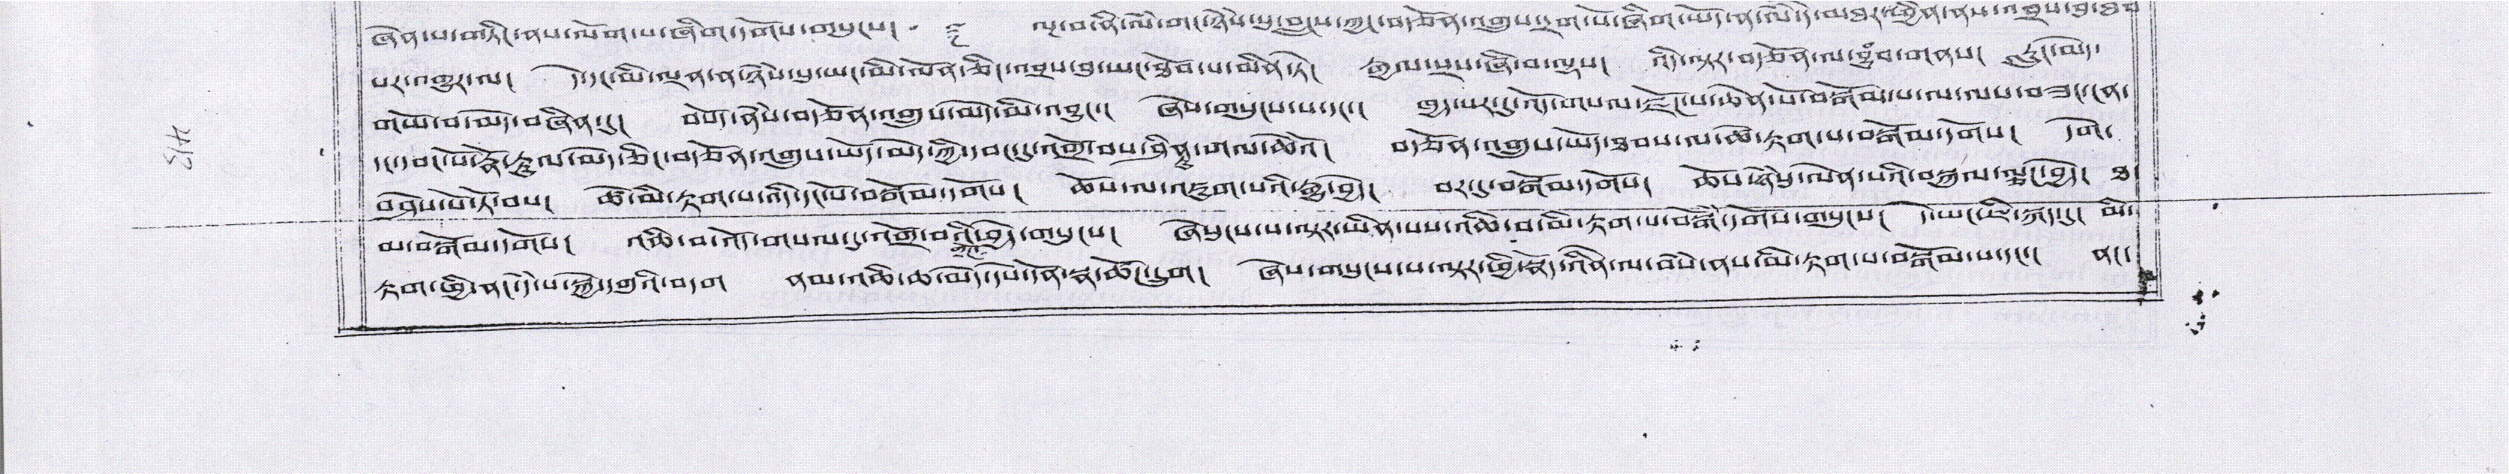ཞེན་པ་གཏིང་ནས་ལོག་པ་ཞིག་དགོས་གསུངས། ༧ ལྔ་པ་ནི་ལམ་གང་ཉམས་སུ་བླངས་ཀྱང་བརྩོན་འགྲུས་དྲག་པོ་ཞིག་ཡོད་ན་ལམ་དེ་མཐར་ཕྱིན་ནས་འབྲས་བུ་ཐོབ་
པར་འགྱུར་ལ། དེ་དང་མི་ལྡན་ན་ཉམས་སུའང་མི་ལོན་ཅིང་འབྲས་བུའང་ཐོབ་པ་མིན་ཏེ། རྒྱལ་སྲས་ཞི་བ་ལྷས། འདི་ལྟར་བརྩོན་ལ་བྱང་ཆུབ་གནས། རླུང་མེད་
གཡོ་བ་མེད་བཞིན་དུ། བསོད་ནམས་བརྩོན་འགྲུས་ཡོད་མི་འབྱུང་། ཞེས་གསུངས་པ་དང་། ཁྱད་པར་དུ་འོད་གསལ་རྫོགས་པ་ཆེན་པོ་བསྒོམ་པ་ལ་ལས་བཟང་ངན་
དང་དབང་པོ་རྣོ་རྟུལ་མེད་ཅིང་བརྩོན་འགྲུས་ཡོད་མེད་ཀྱི་དབང་དུ་འགྲོ་བས་ཤིན་ཏུ་གལ་ཆེའོ། བརྩོན་འགྲུས་ཡོང་ཐབས་ལ་ཚེ་མི་རྟག་པ་བསྒོམ་དགོས། དགེ་
བཤེས་པོ་ཏོ་བས། ཚེ་མི་རྟག་པ་འདི་དང་པོ་བསྒོམ་དགོས། ཆོས་ལ་འཇུག་པའི་རྒྱུ་བྱེད། བར་དུ་བསྒོམ་དགོས། ཆོས་ཉམས་སུ་ལེན་པའི་སྐུལ་ལྕགས་བྱེད། ཐ་
མ་བསྒོམ་དགོས། འཆི་བ་འོད་གསལ་དུ་འགྲོ་བའི་གྲོགས་བྱེད་གསུངས། ཞེས་གསུངས་པ་ལྟར་ཡིན་པས་འཆི་བ་མི་རྟག་ོ་སྒོམ་དགོས་གསུངས། དེ་ཡང་ཇི་སྐད་དུ། མི་
རྟག་ཕྱི་ནང་དམ་པ་སྐྱེ་དགུའི་བདག ནམ་འཆི་ཆ་མེད་དཔེ་དོན་སྣ་ཚོགས་དྲུག ཞེས་གསུངས་པ་ལྟར། ཕྱི་སྣོད་འཇིག་རྟེན་ལ་བསམ་ནས་མི་རྟག་པ་བསྒོམ་པ་དང་། ནང་